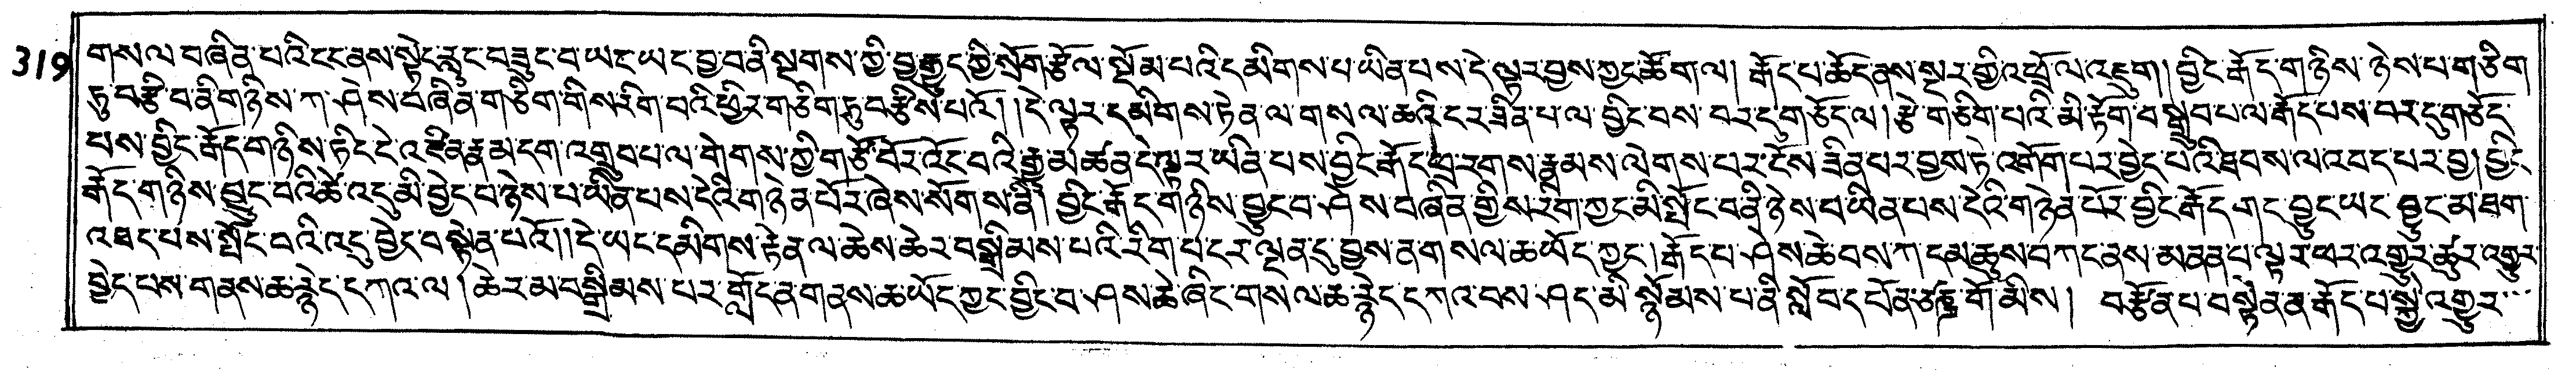གསལ་བཞིན་པའི་ངང་ནས་སྟེང་རླུང་བཟུང་བ་ཡང་ཡང་བྱ་བ་ནི་སྔགས་ཀྱི་བྱ་རྒྱུད་ཀྱི་སྲོག་རྩོལ་སྡོམ་པའི་དམིགས་པ་ཡིན་པས་དེ་ལྟར་བྱས་ཀྱང་ཚོག་ལ། རྒོད་པ་ཆོད་ནས་སྔར་གྱི་འཕྲོ་ལ་འཇུག །བྱིང་རྒོད་གཉིས་ཉེས་པ་གཅིག་
ཏུ་བརྩི་བ་ནི་གཉིས་ཀ་ཤེས་བཞིན་གཅིག་གིས་རིག་པའི་ཕྱིར་གཅིག་ཏུ་བརྩིས་པའོ། །དེ་ལྟར་དམིགས་ཏེན་ལ་གསལ་ཆའི་ངར་ཟིན་པ་ལ་བྱིང་བས་བར་དུ་གཅོད་ལ། རྩེ་གཅིག་པའི་མི་རྟོག་བསྒྲུབ་པ་ལ་རྒོད་པས་བར་དུ་གཅོད་
པས་བྱིང་རྒོད་གཉིས་ཏིང་ངེ་འཛིན་རྣམ་དག་འགྲུབ་པ་ལ་གེགས་ཀྱི་གཙོ་བོར་འོང་བའི་རྒྱུ་མཚན་དེ་ལྟར་ཡིན་པས་བྱིང་རྒོད་ཕྲ་རགས་རྣམས་ལེགས་པར་ངོས་ཟིན་པར་བྱས་ཏེ་འགོག་པར་བྱེད་པའི་ཐབས་ལ་འབད་པར་བྱ། བྱིང་
རྒོད་གཉིས་བྱུང་བའི་ཚེ་འདུ་མི་བྱེད་པ་ཉེས་པ་ཡིན་པས་དེའི་གཉེན་པོར་ཞེས་སོགས་ནི། བྱིང་རྒོད་གཉིས་བྱུང་བ་ཤེས་བཞིན་གྱིས་རིག་ཀྱང་མི་སྤོང་བ་ནི་ཉེས་པ་ཡིན་པས་དེའི་གཉེན་པོར་བྱིང་རྒོད་གང་བྱུང་ཡང་བྱུང་མ་ཐག་
འཐད་པས་སྤོང་བའི་འདུ་བྱེད་བསྟེན་པའོ། །དེ་ཡང་དམིགས་རྟེན་ལ་ཆེས་ཆེར་བསྒྲིམས་པའི་རིག་པ་ངར་ལྡན་དུ་བྱས་ན་གསལ་ཆ་ཡོད་ཀྱང་། རྒོད་པ་ཤེས་ཆེ་བས་ཀ་དམ་ཆུས་བཀང་ནས་མནན་པ་ལྟར་ཕར་འགྱུར་ཚུལ་འགྱུར་
བྱེད་པས་གནས་ཆ་རྙེད་དཀའ་ལ། ཆེར་མ་བསྒྲིམས་པར་གློད་ན་གནས་ཆ་ཡོད་ཀྱང་བྱིང་བ་ཤས་ཆེ་ཞིང་གསལ་ཆ་རྙེད་དཀའ་བས་ཤད་མི་སྙོམས་པ་ནི་སློབ་དཔོན་ཙཎྜ་གོ་མིས། བརྩོན་པ་བསྟེན་ན་རྒོད་པ་སྐྱེ་འགྱུར་